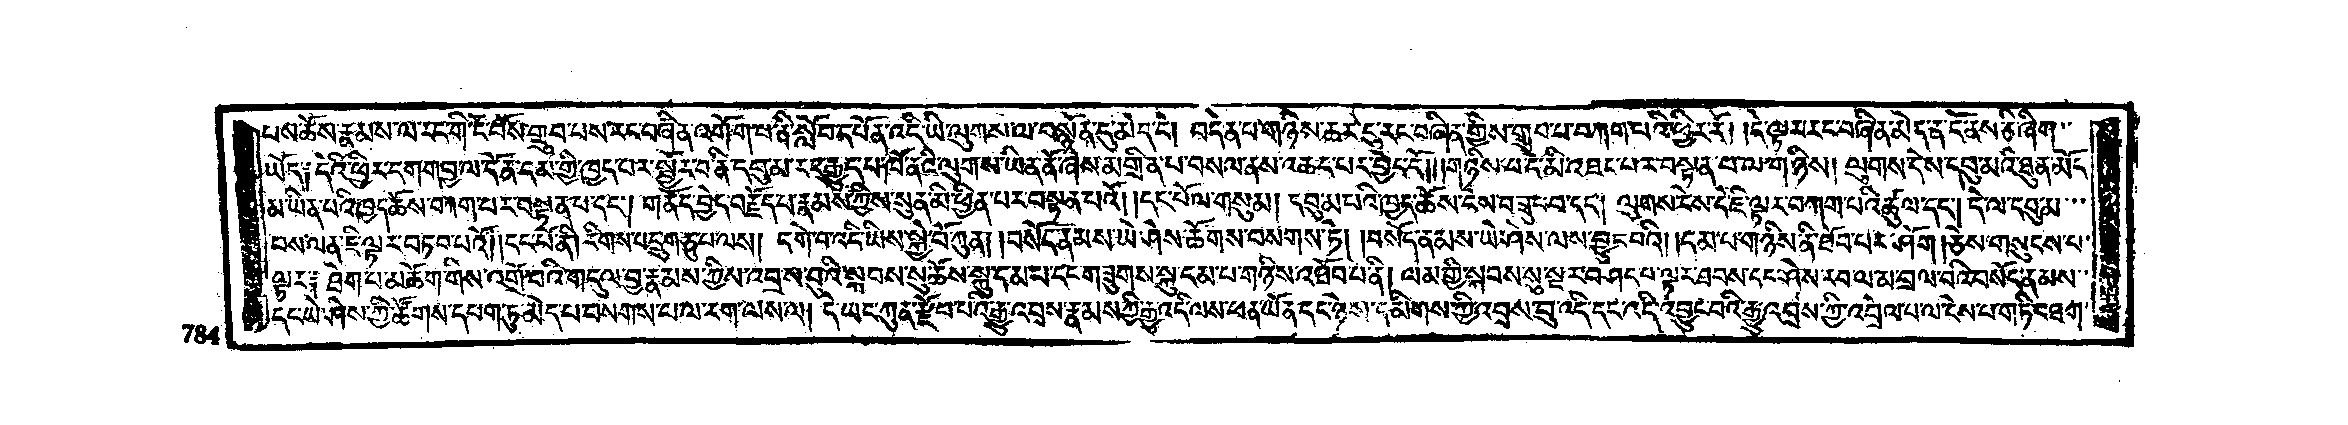པས་ཆོས་རྣམས་ལ་རང་གི་ངོ་བོས་གྲུབ་པས་རང་བཞིན་འགོག་པ་ནི་སློབ་དཔོན་འདི་ཡི་ལུགས་ལ་བསྙོན་དུ་མེད་དེ། བདེན་པ་གཉིས་ཆར་དུ་རང་བཞིན་གྱིས་གྲུབ་པ་བཀག་པའི་ཕྱིར་རོ། །དེ་ལྟར་རང་བཞིན་མེད་ན་དེ་ནས་ཅི་ཞིག་
ཡོད༑ དེའི་ཕྱིར་དགག་བྱ་ལ་དོན་དམ་གྱི་ཁྱད་པར་སྦྱོར་བ་ནི་དབུ་མ་རང་རྒྱུད་པ་ཁོ་ནའི་ལུགས་ཡིན་ནོ་ཞེས་མགྲིན་པ་བསལ་ནས་འཆད་པར་བྱེད་དོ། །གཉིས་པ་དེ་མི་འཐད་པར་བསྟན་པ་ལ་གཉིས། ལུགས་དེས་དབུ་མའི་ཐུན་མོང་
མ་ཡིན་པའི་ཁྱད་ཆོས་བཀག་པར་བསྟན་པ་དང་། གནོད་བྱེད་བརྗོད་པ་རྣམས་ཀྱིས་སུན་མི་ཕྱིན་པར་བསྟན་པའོ། །དང་པོ་ལ་གསུམ། དབུ་མ་པའི་ཁྱད་ཆོས་ངོས་བཟུང་བ་དང་། ལུགས་དེས་དེ་ཇི་ལྟར་བཀག་པའི་ཚུལ་དང་། དེ་ལ་དབུ་མ་
པས་ལན་ཇི་ལྟར་བཏབ་པའོ། །དང་པོ་ནི། རིགས་པ་དྲུག་ཅུ་པ་ལས། དགེ་བ་འདི་ཡིས་སྐྱེ་བོ་ཀུན། །བསོད་ནམས་ཡེ་ཤེས་ཚོགས་བསགས་ཏེ། །བསོད་ནམས་ཡེ་ཤེས་ལས་བྱུང་བའི། །དམ་པ་གཉིས་ནི་ཐོབ་པར་ཤོག །ཅེས་གསུངས་པ་
ལྟར༑ ཐེག་པ་མཆོག་གིས་འགྲོ་བའི་གདུལ་བྱ་རྣམས་ཀྱིས་འབྲས་བུའི་སྐབས་སུ་ཆོས་སྐུ་དམ་པ་དང་གཟུགས་སྐུ་དམ་པ་གཉིས་འཐོབ་པ་ནི། ལམ་གྱི་སྐབས་སུ་སྔར་བཤད་པ་ལྟར་ཐབས་དང་ཤེས་རབ་ཡ་མ་བྲལ་བའི་བསོད་ནམས་
དང་ཡེ་ཤེས་ཀྱི་ཚོགས་དཔག་ཏུ་མེད་པ་བསགས་པ་ལ་རག་ལས་ལ། དེ་ཡང་ཀུན་རྫོབ་པའི་རྒྱུ་འབྲས་རྣམས་ཀྱི་རྒྱུ་འདི་ལས་ཕན་ཡོན་དང་ཉེས་དམིགས་ཀྱི་འབྲས་བུ་འདི་དང་འདི་འབྱུང་བའི་རྒྱུ་འབྲས་ཀྱི་འབྲེལ་པ་ལ་ངེས་པ་གཏིང་ཐག་